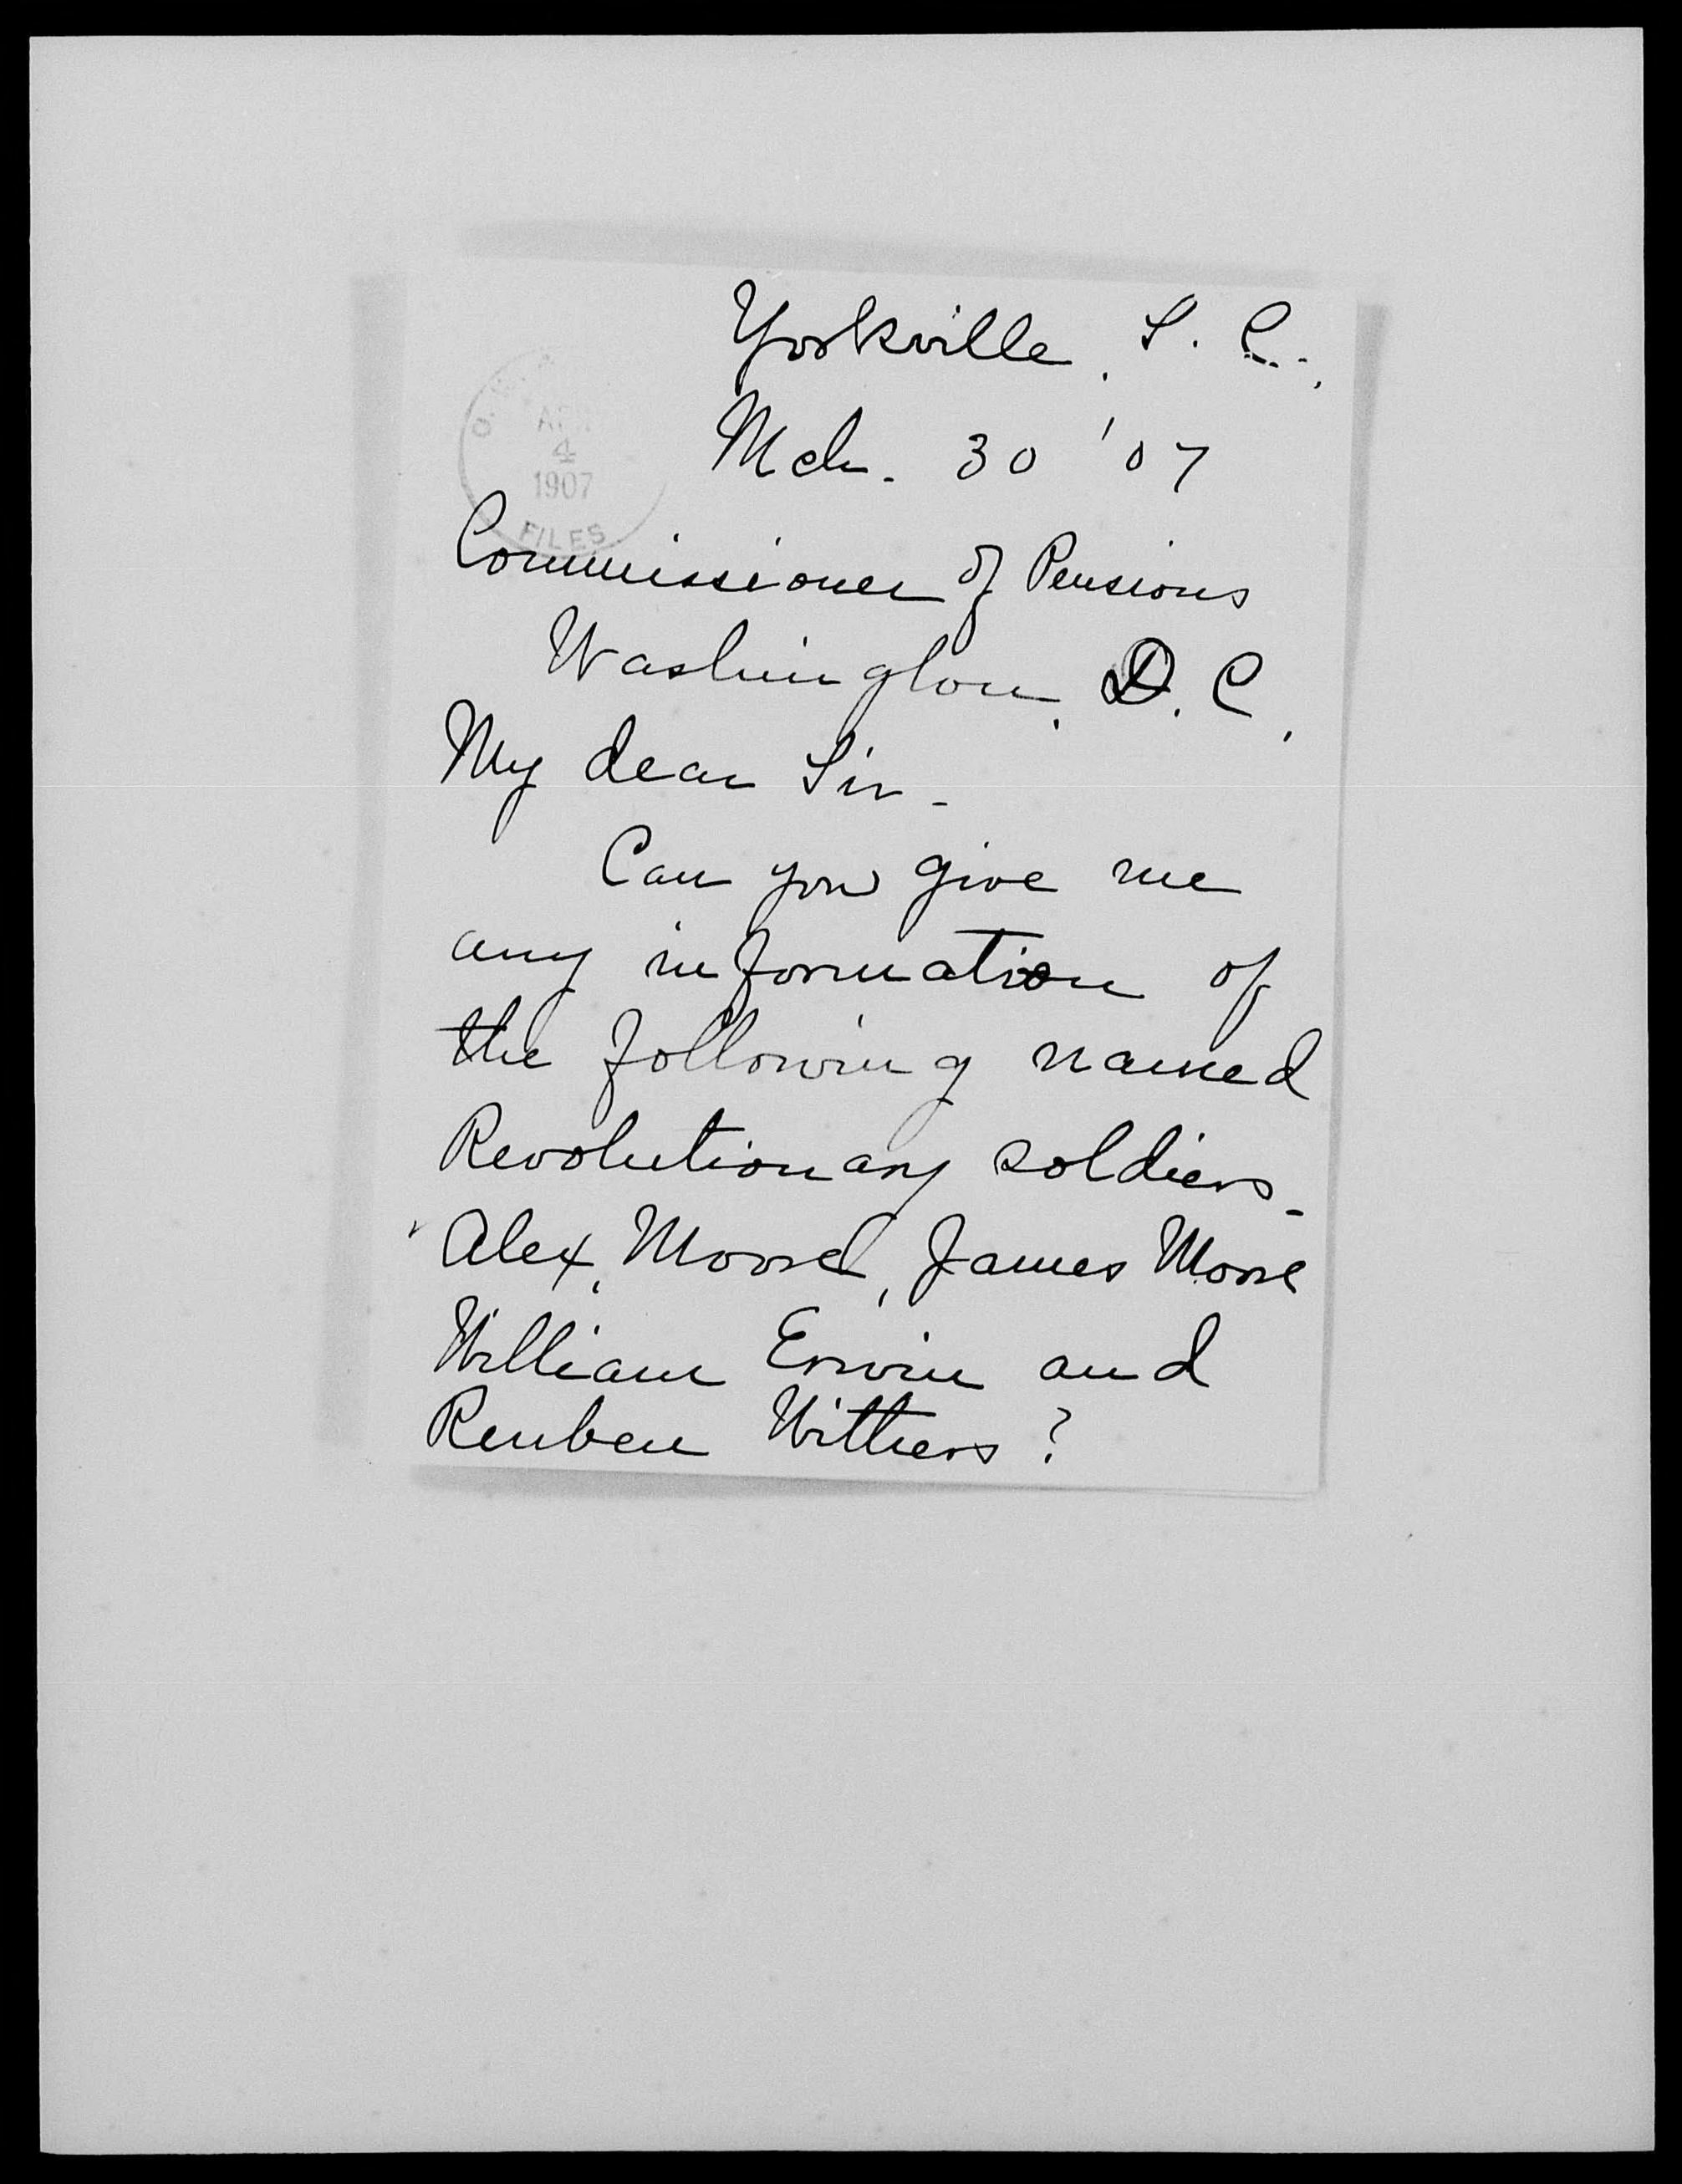Yorkville  S. C
Mch  30 '07
Commissioner of Pensions
Washington D.C

My dear Sir

Can you give  me
any information of
the following named
Revolutionary soldiers
Alex Moore
James Moore
William Erwin
and
Reuben Withers?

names: Reuben Withers; James Moore; William Erwin; Alex Moore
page: 15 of 17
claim: rejected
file: R 7329, for James More, South Carolina